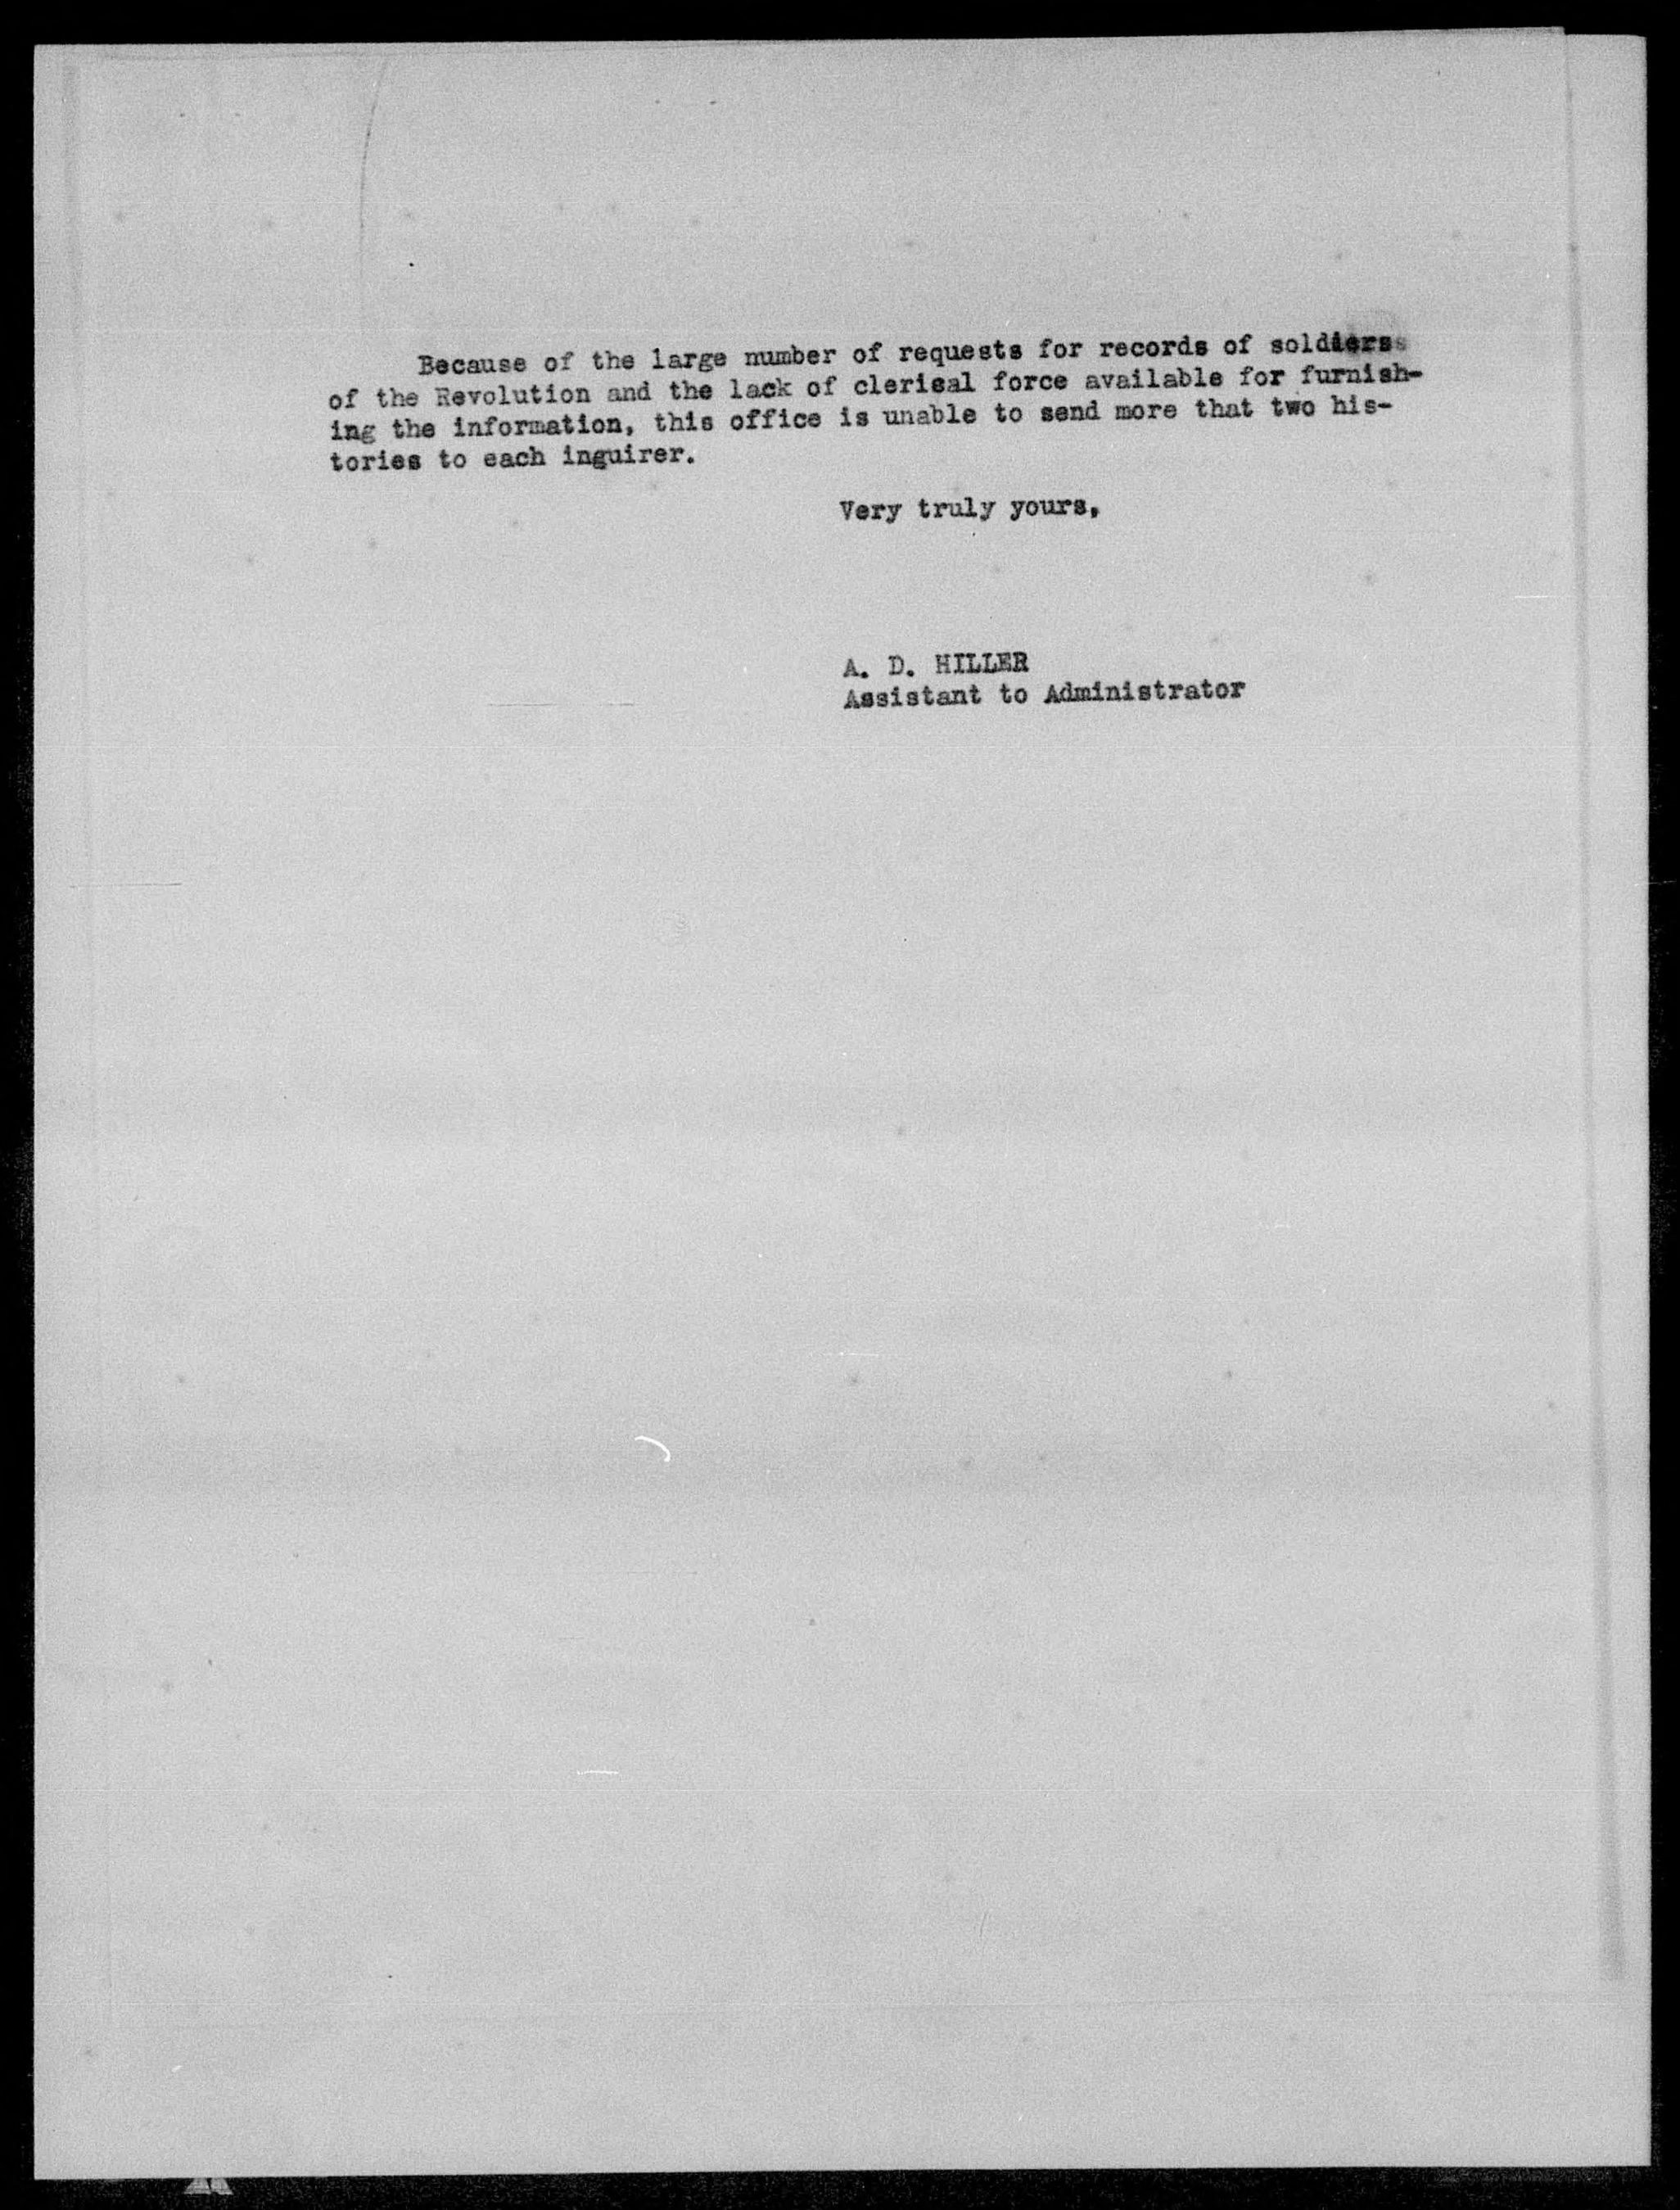Because of the large number of requests for records of soldiers
of the Revolution and the lack of clerical force available for a
ing the information, this office is unable to send more that two his
tories to each inquirer.

Very truly yours,
A. D. HILLER
Assistant to Administrator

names: A D Hiller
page: 12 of 19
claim: survivor's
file: S. 31,855, for John Mc Curdy, Pennsylvania